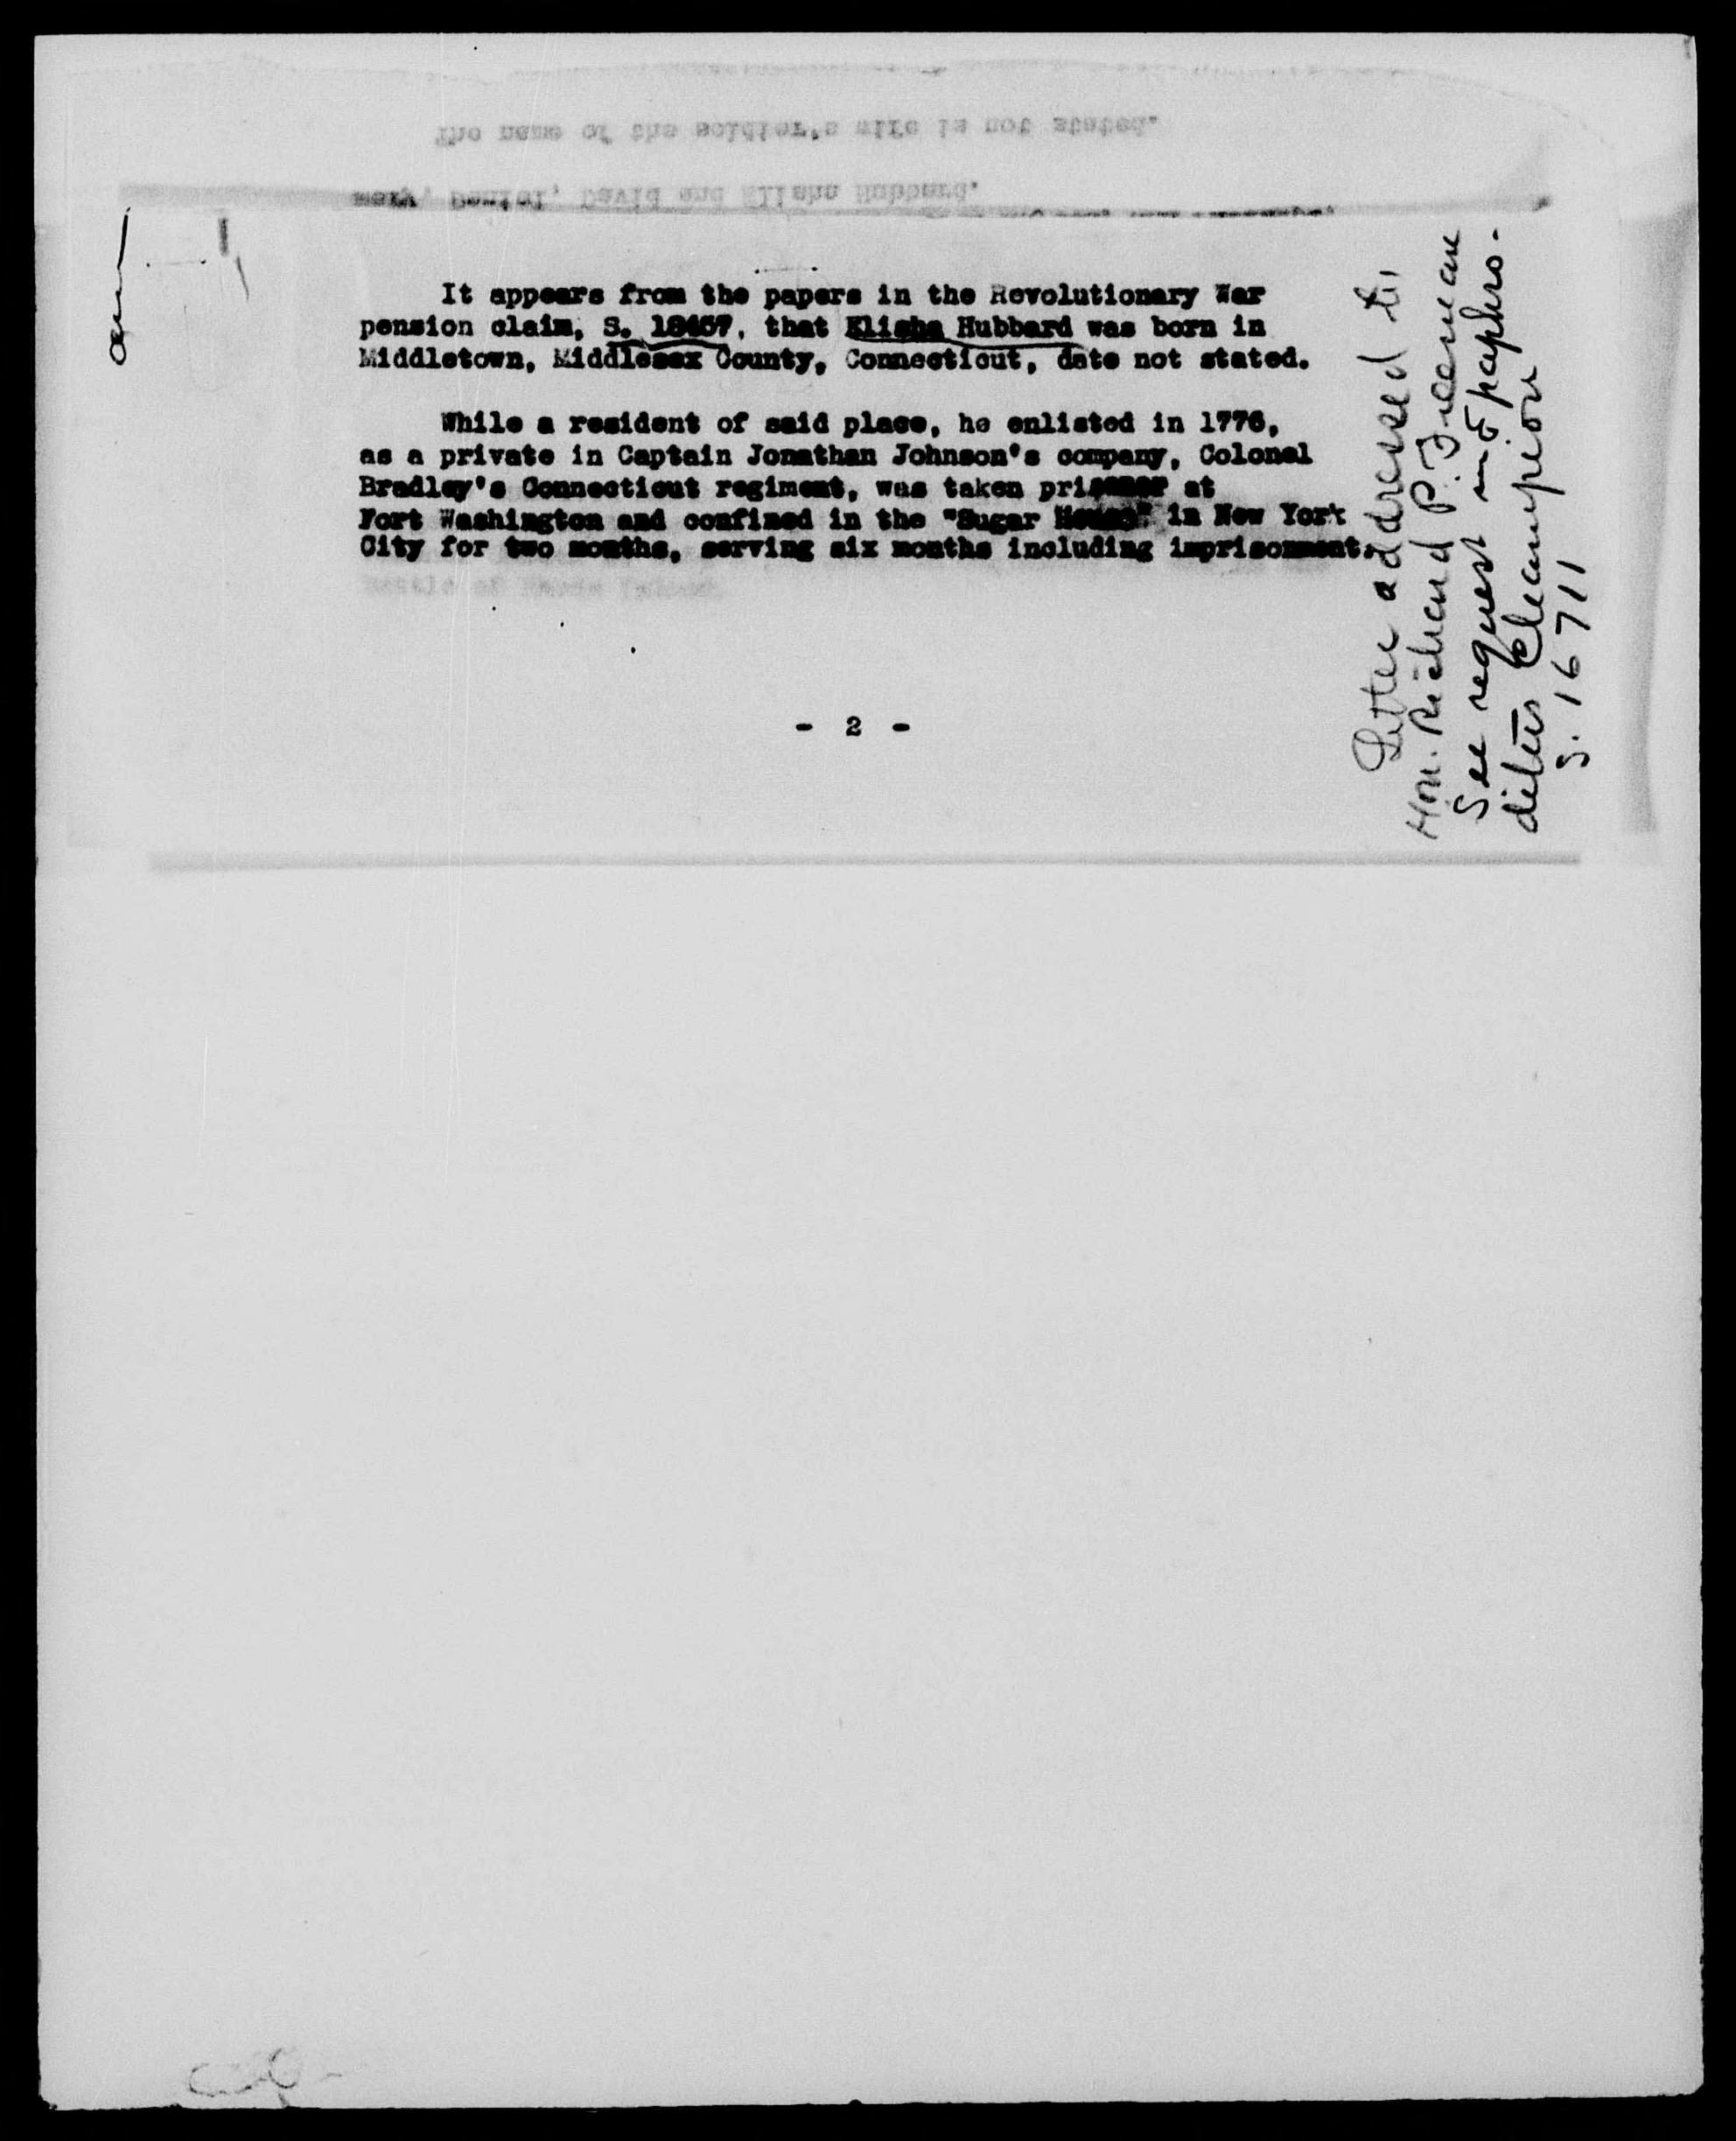[typed]
	It appears from the papers in the Revolutionary War pension claim, S. 18457, that Elisha Hubbard was born in Middletown, Middlesex County, Connecticut, date not stated.
	While a resident of said place, he enlisted in 1776, as a private in Captain Jonathan Johnson’s company, Colonel Bradley’s Connecticut regiment, was taken prisoner at Fort Washington and confined in the “Sugar House” in New York City for two months, serving six months including imprisonment.

-2-

[handwritten in right margin]
Letter addressed to Hon. Richard P. Freeman
See request in E paper 
delete Champion
S. 16711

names: Elisha Hubbard, Richard P Freeman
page: 18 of 63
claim: survivor's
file: S. 18457, Elisha Hubbard, Conn. Continental